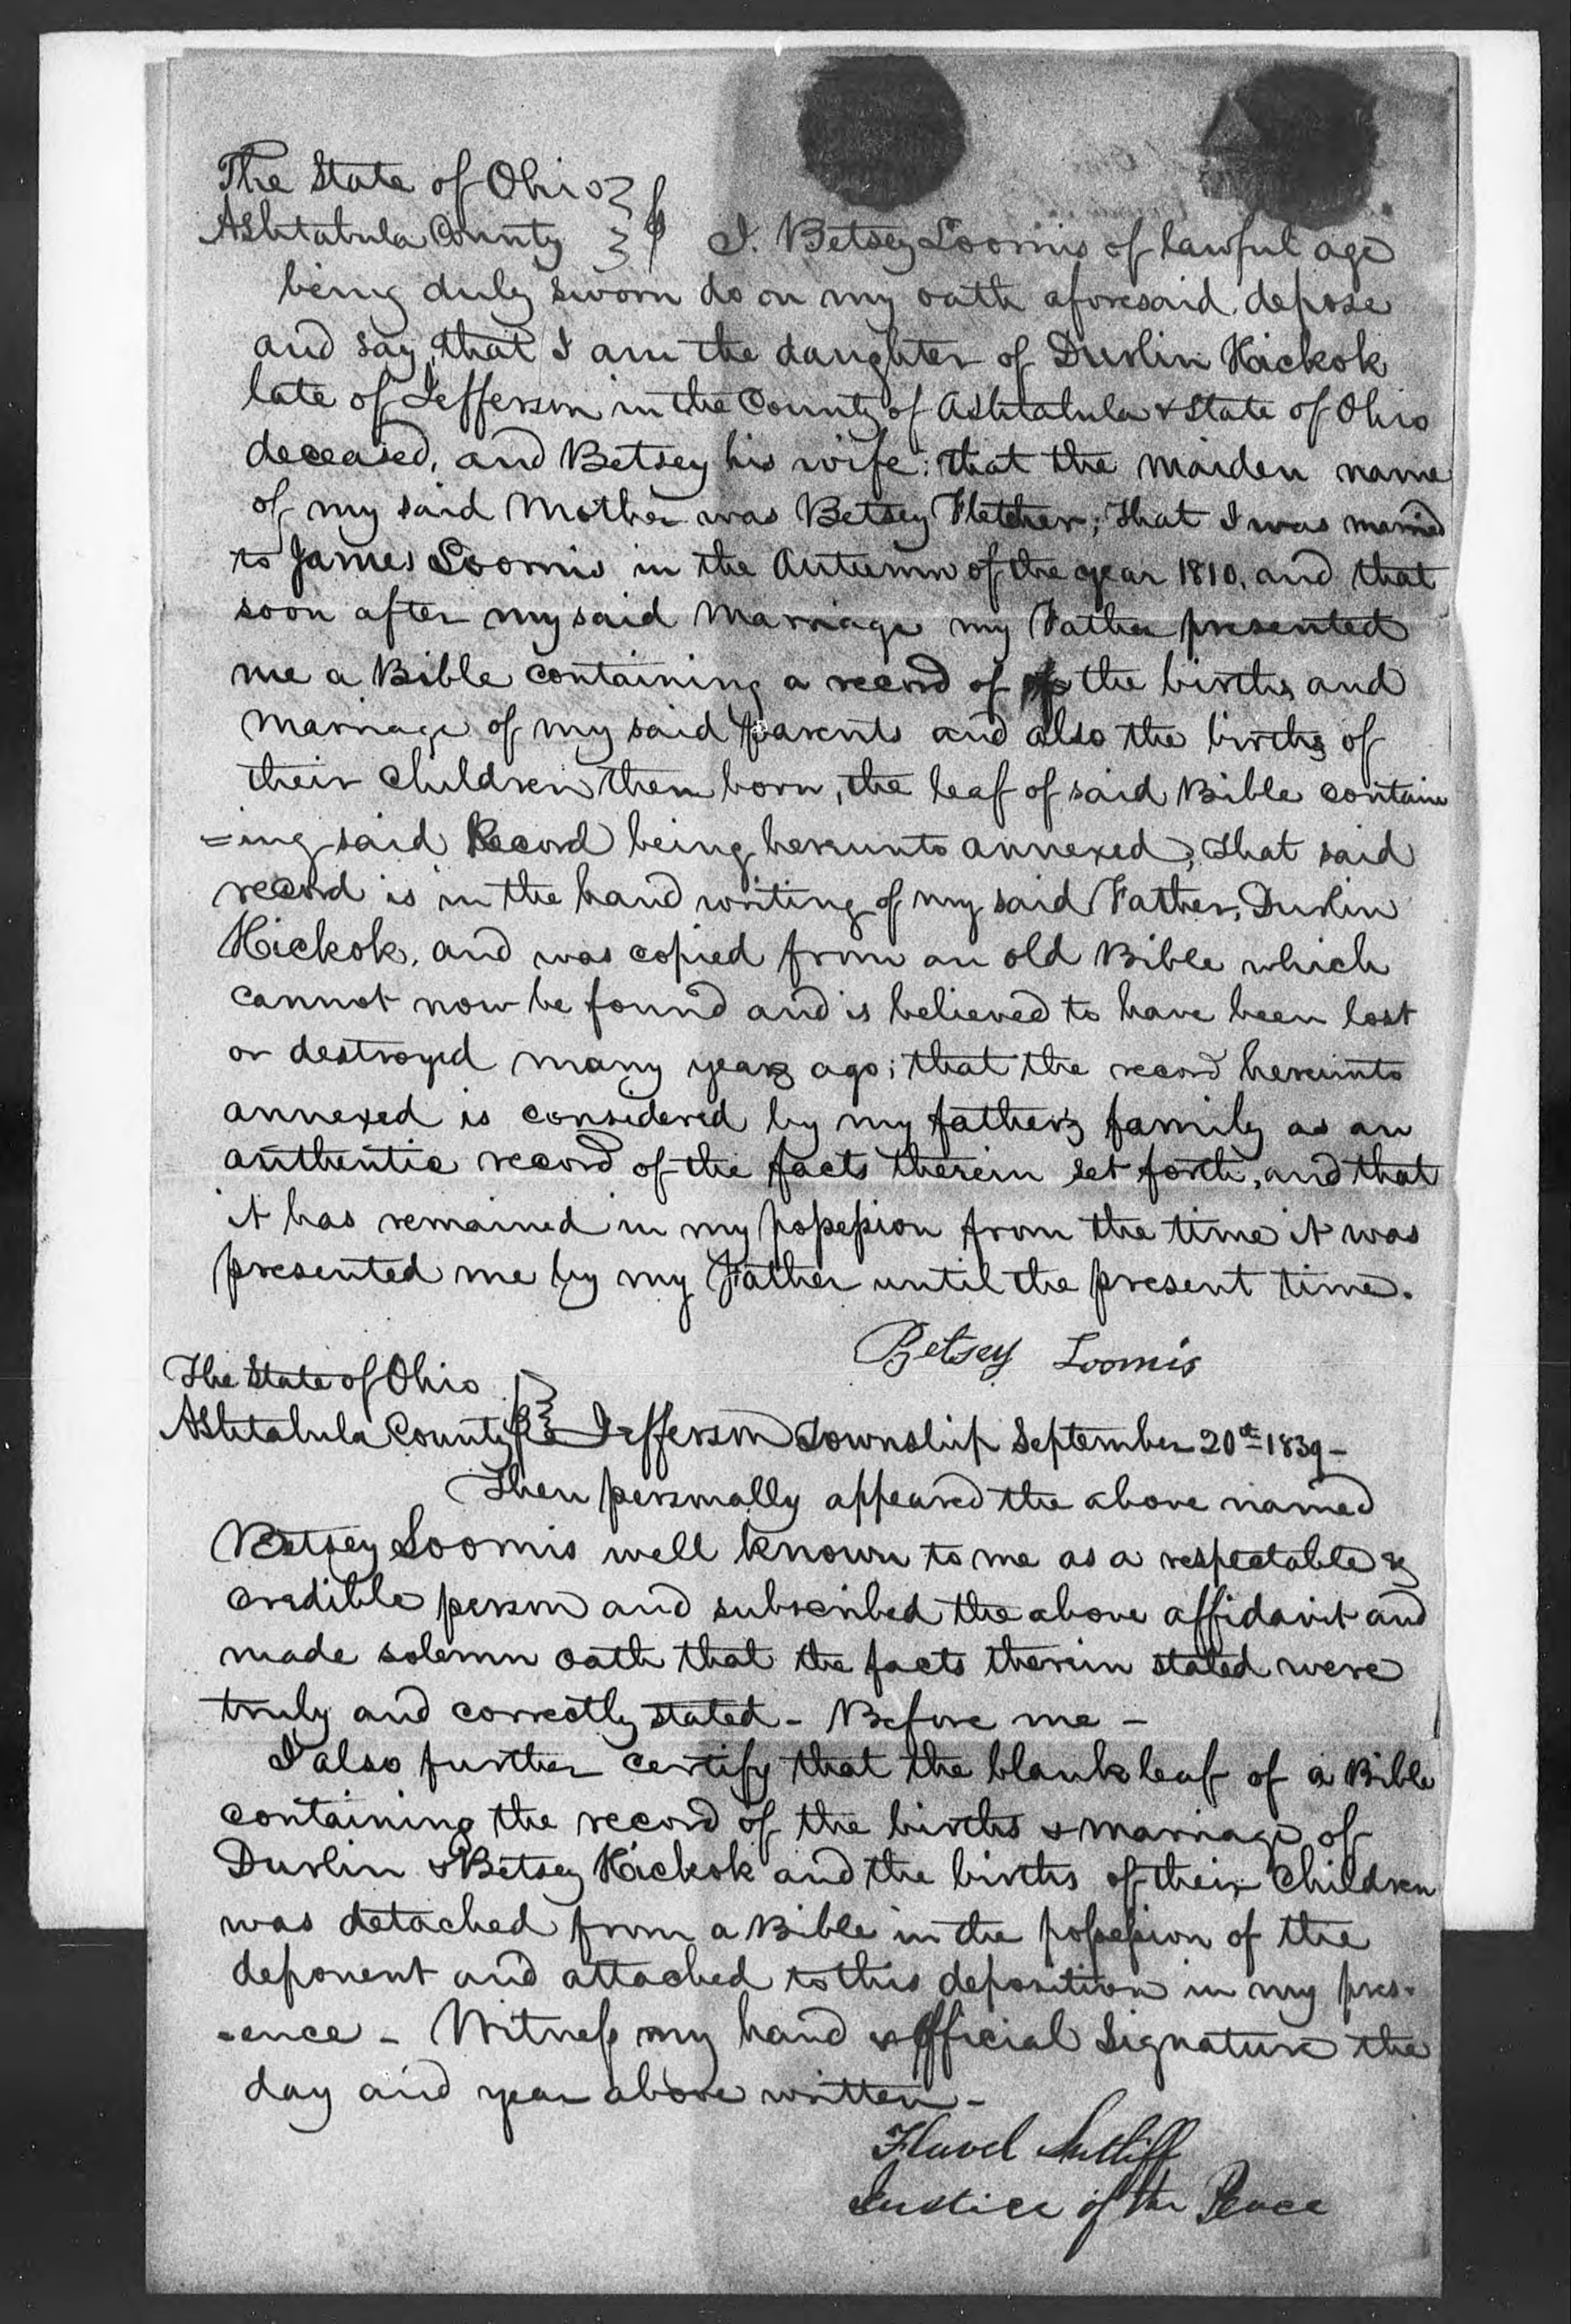The State of Ohio }
Ashtabula County }   I Betsey Loomis of lawful age
being duly sworn do on my oath aforesaid depose
and say that I am the daughter of Durbin Hickok
late of Jefferson in the county of Ashtabula & state of Ohio
deceased, and Betsey his wife that the maiden name
of my said mother was Betsey Fletcher; that I was married
to James Loomis in the autumn of the year 1810 and that
soon after my said marriage my father presented
me a Bible containing a record of the birth and
marriage of my said parents and also the births of their 
children then born, the leaf of said Bible containing
said record being hereunto annexed, that said 
record is in the hand writing of my said Father, Durbin Hickok, and was copied from an old Bible which
cannot now be found and is believed to have been lost
or destroyed many years ago; that the record hereunto
annexed is considered by my father's family as an
authentic record of the facts therein set forth, and that 
it has remained in my possession from the time it was
presented me by my father until the present time.
                                             Betsey Loomis
The State of Ohio}
Ashtabula County}  Jefferson Township September 20th 1839-
                 Then personally appeared the above named
Betsey Loomis well known to me as a respectable &
credible person and subscribed the above affidavit and
made solemn oath that the facts therein stated were
truly and correctly stated before me--
      I also further certify that the blank leaf of a Bible 
containing the record of the births & marriage of 
Durbin & Betsey Hickok and the births of their children
was detached from a Bible in the possession of the 
deponent and attached to this deposition in my 
presence-Witness my hand & official signature the
day and year above written--      
                                        Flavel Sutliff
                                    Justice of the Peace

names: Betsey Hickok, Betsey Loomis, Flavel Sutliff, Durlin Hickok, Betsey Loomis, Betsey Fletcher, Betsey Loomis, Betsey, James Loomis, Durlin Hickok, Durlin Hickok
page: 15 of 45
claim: widow's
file: W. 4988, Durlin Hickok, Mass.